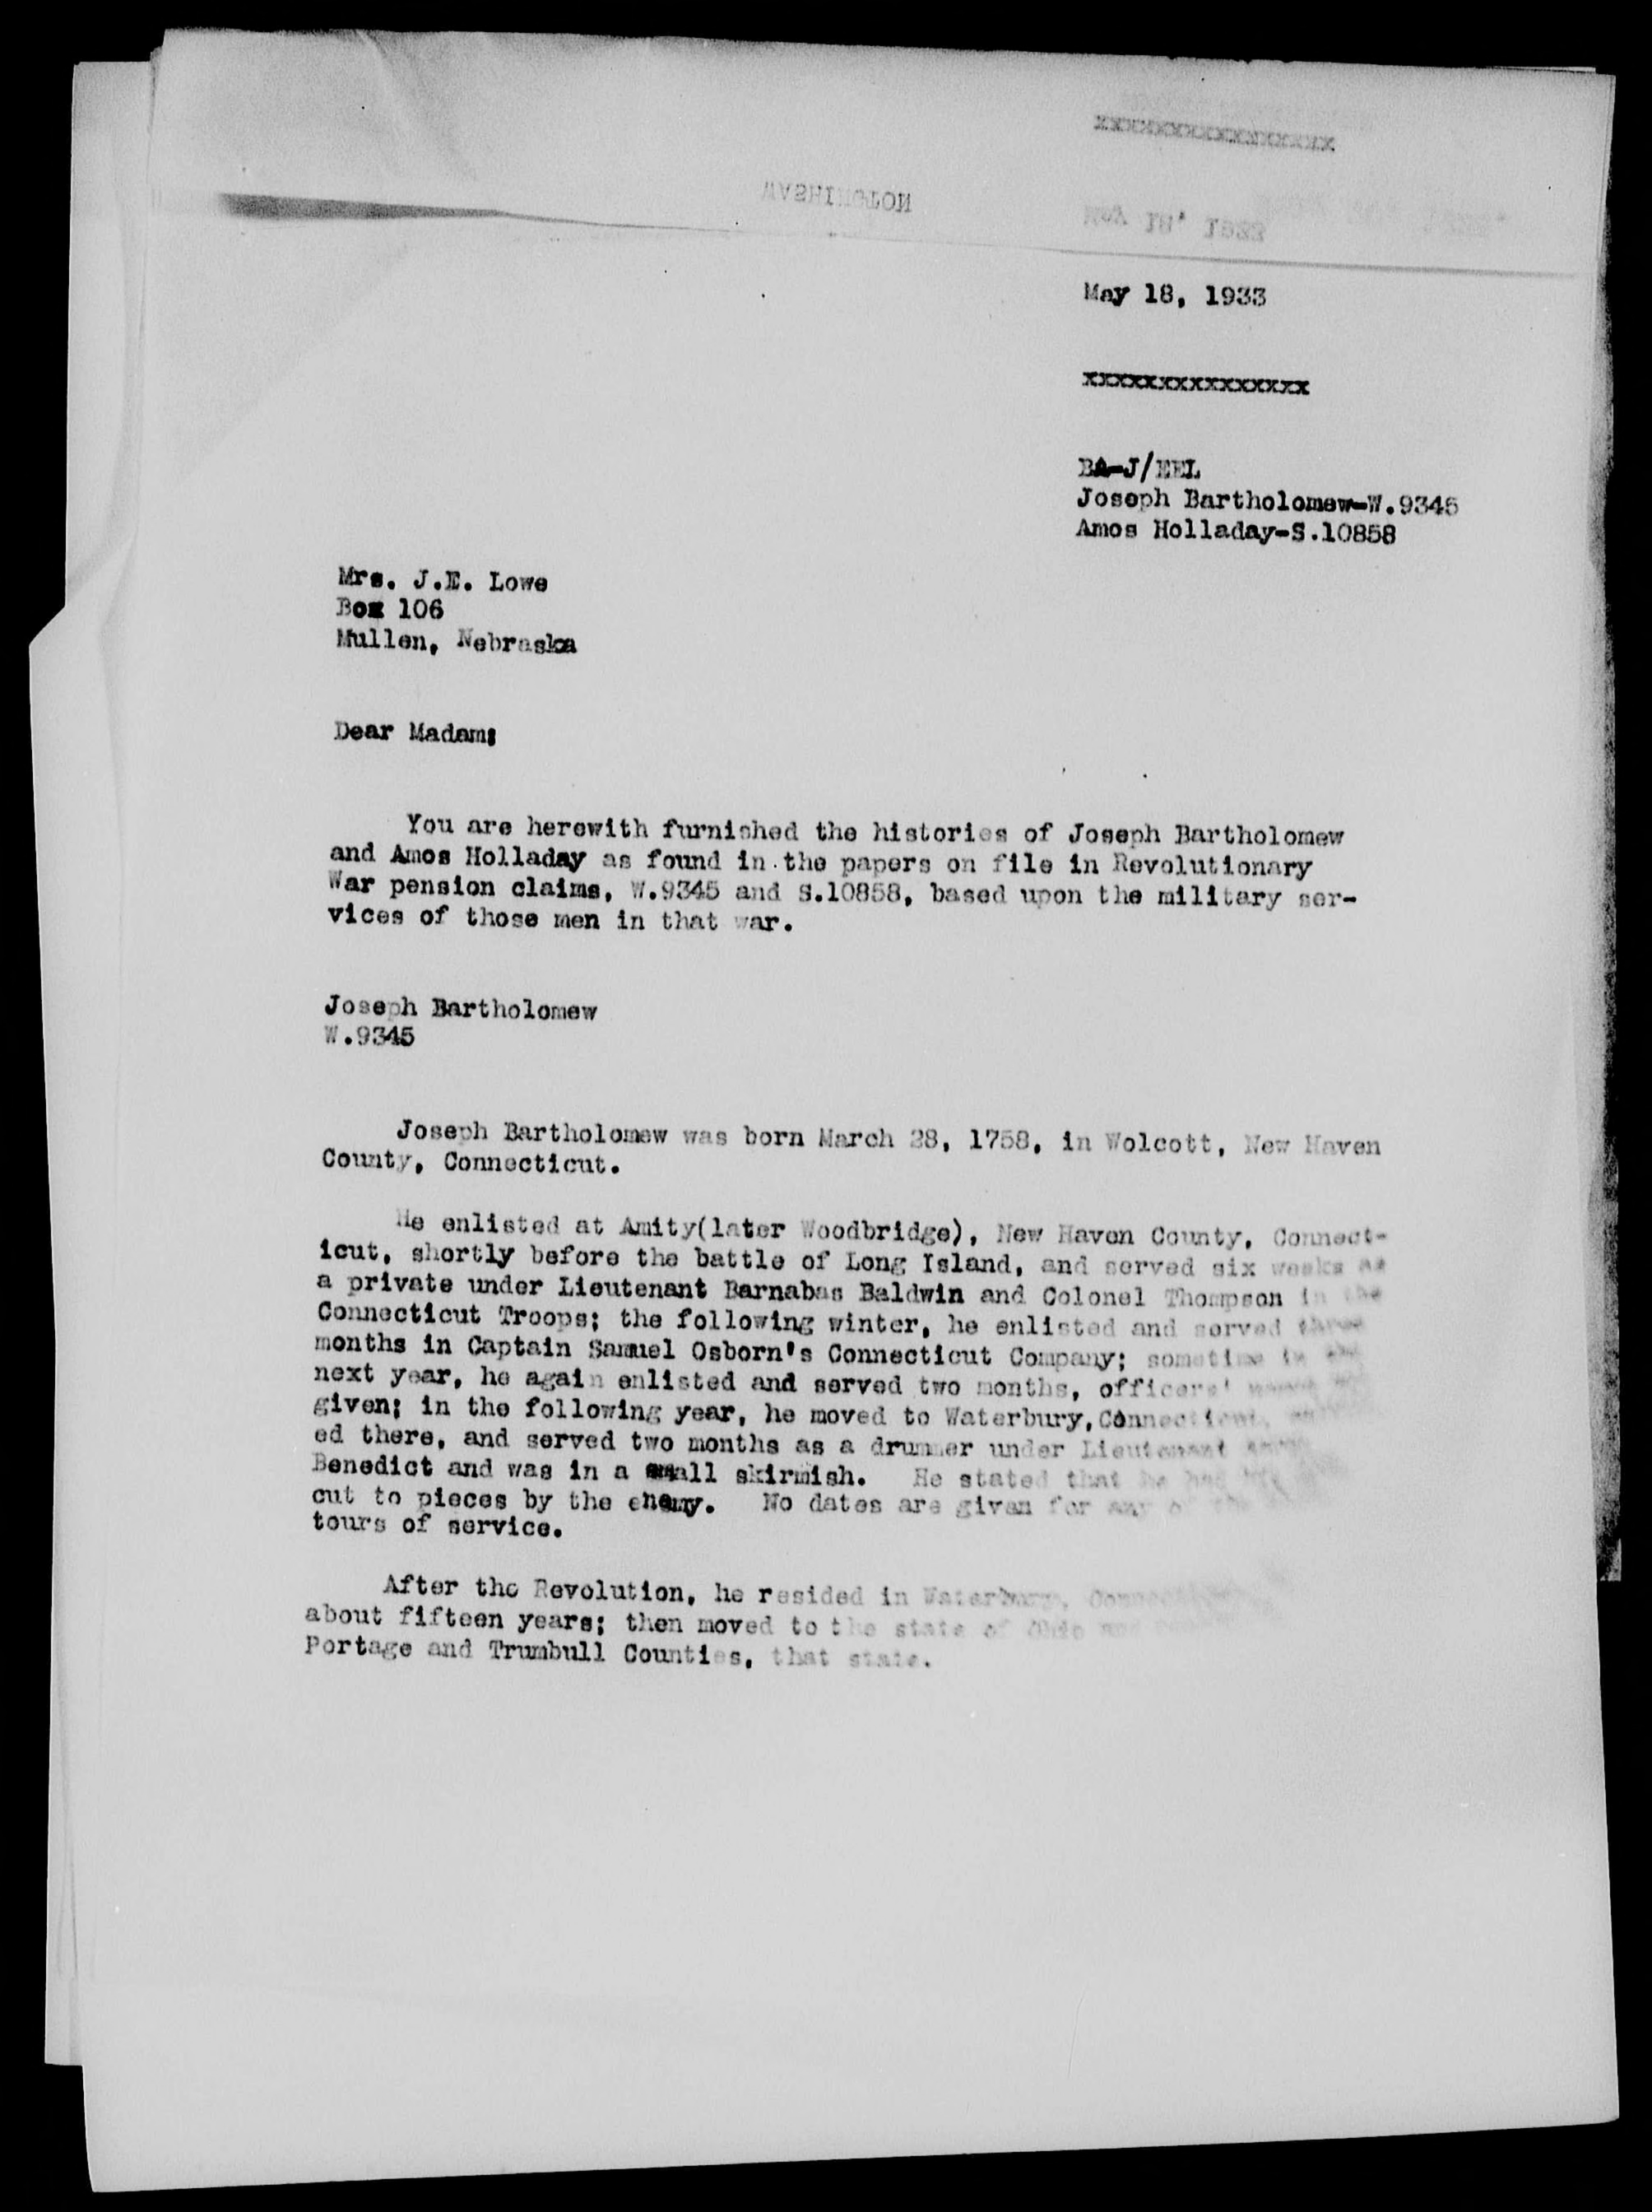May 18, 1933
                                               XXXXXXXXXXXXX
                                               BA-J/EEL
                                              Joseph Bartholomew - W. 9345
                                               Amos Holladay-S.10858
Mrs. J. E. Lowe
Box 106
Mullen, Nebraska
Dear Madam:

You are herewith furnished the histories of Joseph Bartholomew and Amos Holladay as found in the papers on file in Revolutionary War pension claim, W. 9345 and 8.10858, based upon the military services of those men in that war.
Joseph Bartholomew
W. 9345
Joseph Bartholomew was born March 28, 1758, in Wolcott, 
New Haven County, Connecticut.
He enlisted at Amity (later Woodbridge), New Haven County, Connecticut shortly before the battle of Long Island, and served six weeks as a private under Lieutenant Barnabas Baldwin and Colonel Thompson in the
Connecticut Troops; the following winter, he enlisted and served three months in Captain Samuel Osborn's Connecticut Company; sometime in the next year, he again enlisted and served two months, officers were not given; in the following year, he moved to Waterbury, Connecticut enlisted
there, and served two months as a drummer under Lieutenant
Benedict and was in a small skirmish. He stated that he had his drum cut to pieces by the enemy. No dates are given for any of the
tours of service.
After the Revolution, he resided in Waterbury Connecticut for
about fifteen years; then moved to the state of Ohio
Portage and Trumbull Counties, that state.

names: Thompson, Joseph Bartholomew, Amos Holladay, J E Lowe, Joseph Bartholomew, Joseph Bartholomew, Amos Holladay, Joseph Bartholomew, Barnabas Baldwin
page: 71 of 76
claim: widow's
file: W. 9345, Joseph Bartholomew, Conn.